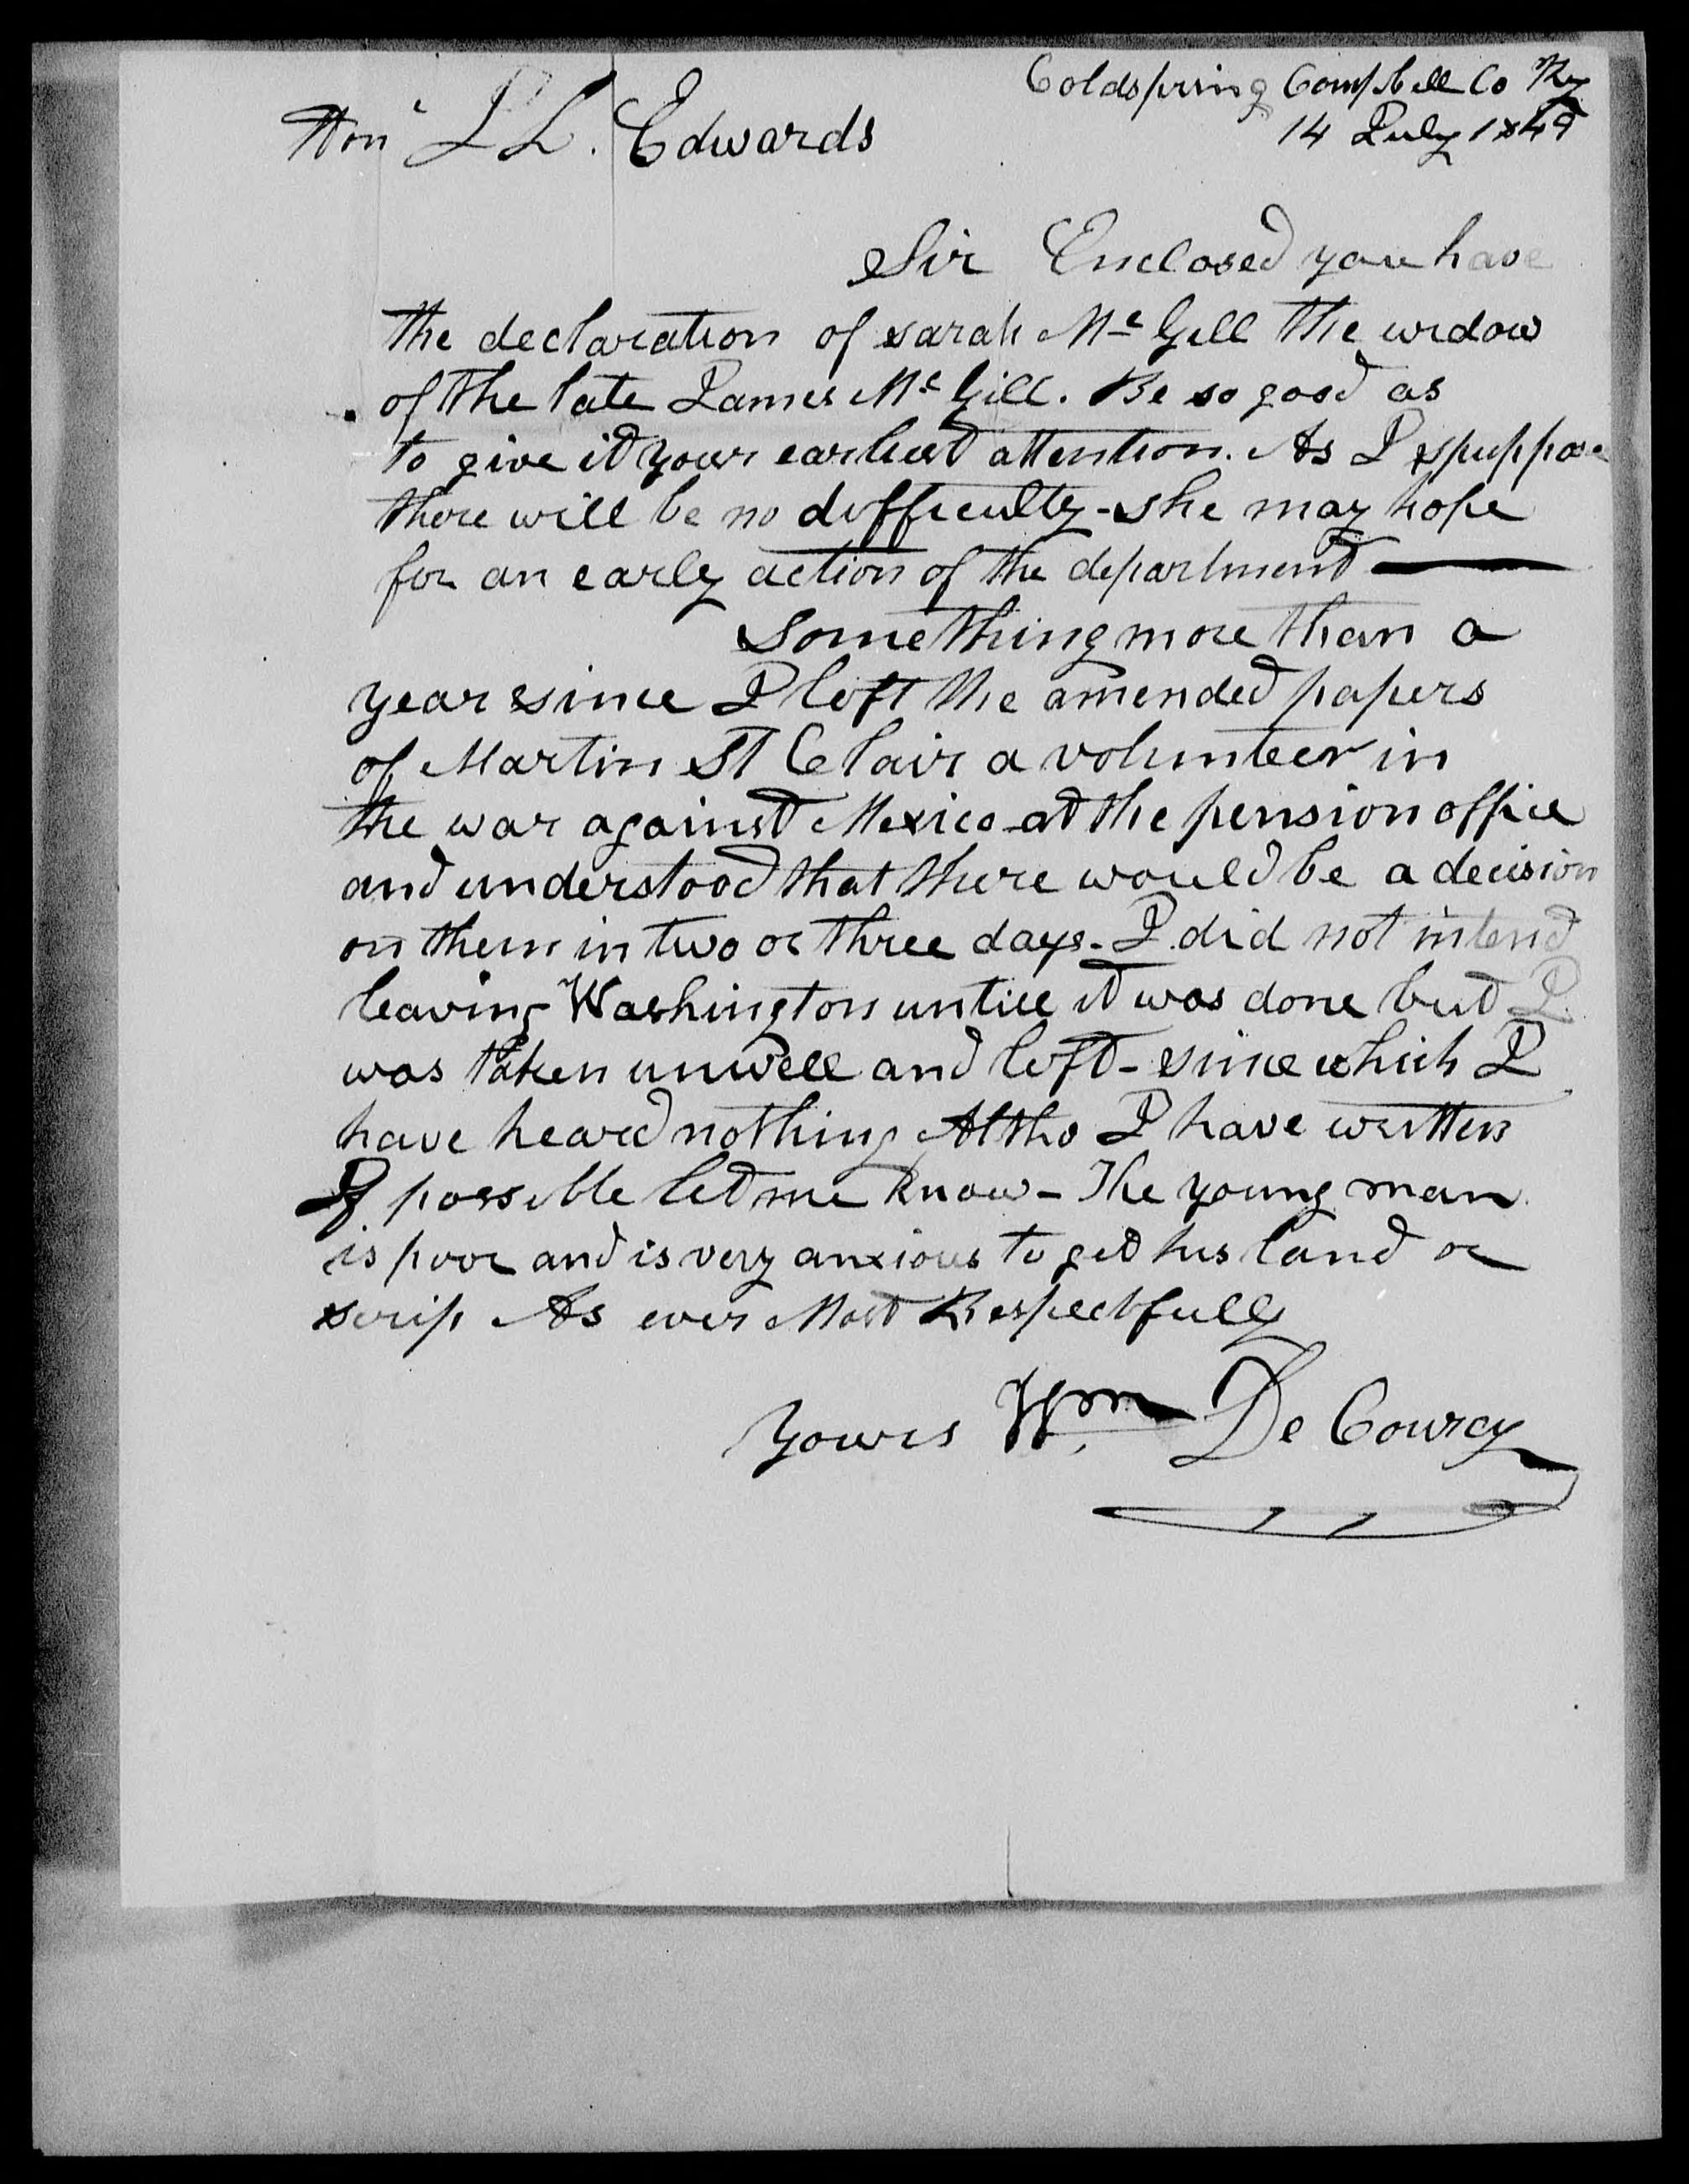Image 87       4160873_00087                
Fold3 File #23857253
[Handwritten letter]

Coldspring, Ky Campbell Co Ky  14 July 1849
Hon J. L. Edwards   
Sir Enclosed you have the declaration of Sarah McGill the widow of the late James McGill.  Be so good as to give it your earliest attention. As I suppose there will be no difficulty - she may hope for an early action of the department___
Something more than a year since I left the amended papers of Martin St. Clair a volunteer in the war against Mexico at the pension office and understood that there would be a decision on them in two or three days. I did not intend leaving Washington untill [until] it was done but I was taken unwell and left since which I have heard nothing Altho [although] I have written. If possible let me know -- the young man is poor and is very anxious to get his land or [illegible]. 
As ever most respectfully yours Wm DeCourcy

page: 29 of 71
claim: widow's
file: W. 8428, for James Mc Gill, Pennsylvania